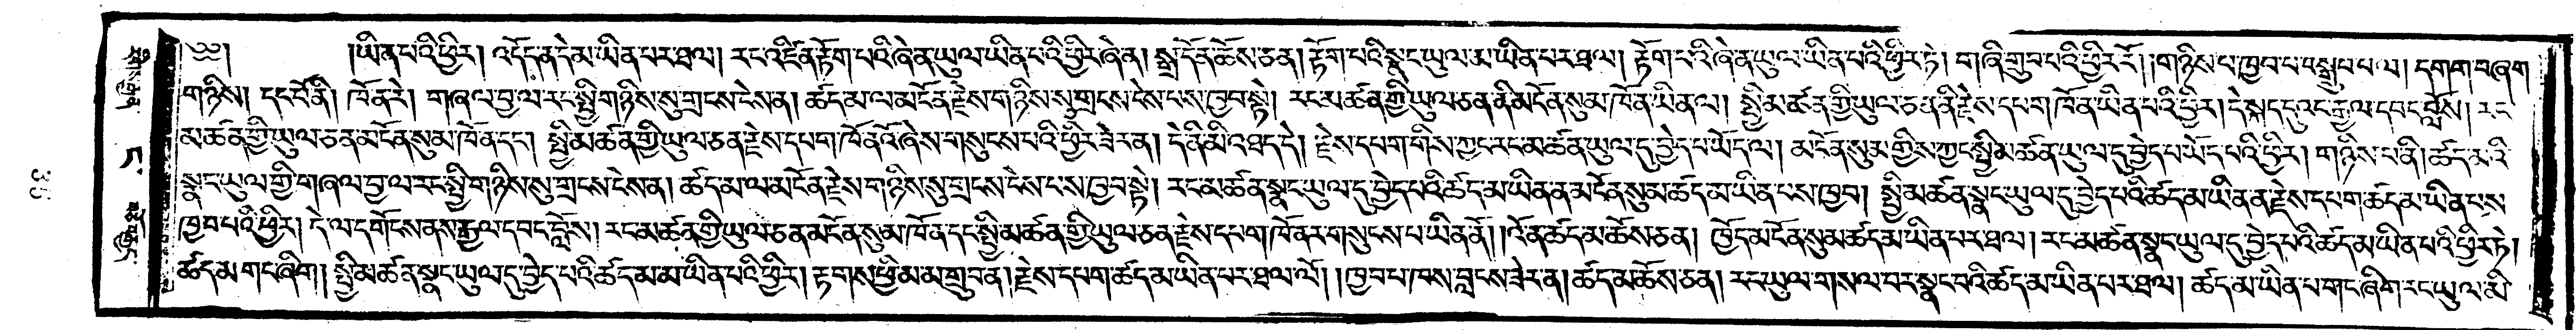༄༅། །ཡིན་པའི་ཕྱིར། འདོད་ན་དེ་མ་ཡིན་པར་ཐལ། རང་འཛིན་རྟོག་པའི་ཞེན་ཡུལ་ཡིན་པའི་ཕྱིར་ཞེ་ན། སྒྲ་དོན་ཆོས་ཅན། རྟོག་པའི་སྣང་ཡུལ་མ་ཡིན་པར་ཐལ། རྟོག་པའི་ཞེན་ཡུལ་ཡིན་པའི་ཕྱིར་ཏེ། གཞི་གྲུབ་པའི་ཕྱིར་རོ། །གཉིས་པ་ཁྱབ་པ་བསྒྲུབ་པ་ལ། དགག་བཞག་
གཉིས། དང་པོ་ནི། ཁོ་ན་རེ། གཞལ་བྱ་ལ་རང་སྤྱི་གཉིས་སུ་གྲངས་ངེས་ན། ཚད་མ་ལ་མངོན་རྗེས་གཉིས་སུ་གྲངས་ངེས་པས་ཁྱབ་སྟེ། རང་མཚན་གྱི་ཡུལ་ཅན་ནི་མངོན་སུམ་ཁོ་ན་ཡིན་ལ། སྤྱི་མཚན་གྱི་ཡུལ་ཅན་ནི་རྗེས་དཔག་ཁོ་ན་ཡིན་པའི་ཕྱིར། དེ་སྐད་དུའང་རྒྱལ་དབང་བློས། རང་
མཚན་གྱི་ཡུལ་ཅན་མངོན་སུམ་ཁོ་ན་དང་། སྤྱི་མཚན་གྱི་ཡུལ་ཅན་རྗེས་དཔག་ཁོ་ནའོ་ཞེས་གསུངས་པའི་ཕྱིར་ཟེར་ན། དེ་ནི་མི་འཐད་དེ། རྗེས་དཔག་གིས་ཀྱང་རང་མཚན་ཡུལ་དུ་བྱེད་པ་ཡོད་ལ། མངོན་སུམ་གྱིས་ཀྱང་སྤྱི་མཚན་ཡུལ་དུ་བྱེད་པ་ཡོད་པའི་ཕྱིར། གཉིས་པ་ནི། ཚད་མའི་
སྣང་ཡུལ་གྱི་གཞལ་བྱ་ལ་རང་སྤྱི་གཉིས་སུ་གྲངས་ངེས་ན། ཚད་མ་ལ་མངོན་རྗེས་གཉིས་སུ་གྲངས་ངེས་པས་ཁྱབ་སྟེ། རང་མཚན་སྣང་ཡུལ་དུ་བྱེད་པའི་ཚད་མ་ཡིན་ན་མངོན་སུམ་ཚད་མ་ཡིན་པས་ཁྱབ། སྤྱི་མཚན་སྣང་ཡུལ་དུ་བྱེད་པའི་ཚད་མ་ཡིན་ན་རྗེས་དཔག་ཚད་མ་ཡིན་པས་
ཁྱབ་པའི་ཕྱིར། དེ་ལ་དགོངས་ནས་རྒྱལ་དབང་བློས། རང་མཚན་གྱི་ཡུལ་ཅན་མངོན་སུམ་ཁོ་ན་དང་སྤྱི་མཚན་གྱི་ཡུལ་ཅན་རྗེས་དཔག་ཁོ་ནར་གསུངས་པ་ཡིན་ནོ། །འོ་ན་ཚད་མ་ཆོས་ཅན། ཁྱོད་མངོན་སུམ་ཚད་མ་ཡིན་པར་ཐལ། རང་མཚན་སྣང་ཡུལ་དུ་བྱེད་པའི་ཚད་མ་ཡིན་པའི་ཕྱིར་ཏེ།
ཚད་མ་གང་ཞིག །སྤྱི་མཚན་སྣང་ཡུལ་དུ་བྱེད་པའི་ཚད་མ་མ་ཡིན་པའི་ཕྱིར། རྟགས་ཕྱི་མ་མ་གྲུབ་ན། རྗེས་དཔག་ཚད་མ་ཡིན་པར་ཐལ་ལོ། །ཁྱབ་པ་ཁས་བླངས་ཟེར་ན། ཚད་མ་ཆོས་ཅན། རང་ཡུལ་གསལ་བར་སྣང་བའི་ཚད་མ་ཡིན་པར་ཐལ། ཚད་མ་ཡིན་པ་གང་ཞིག་རང་ཡུལ་མི་